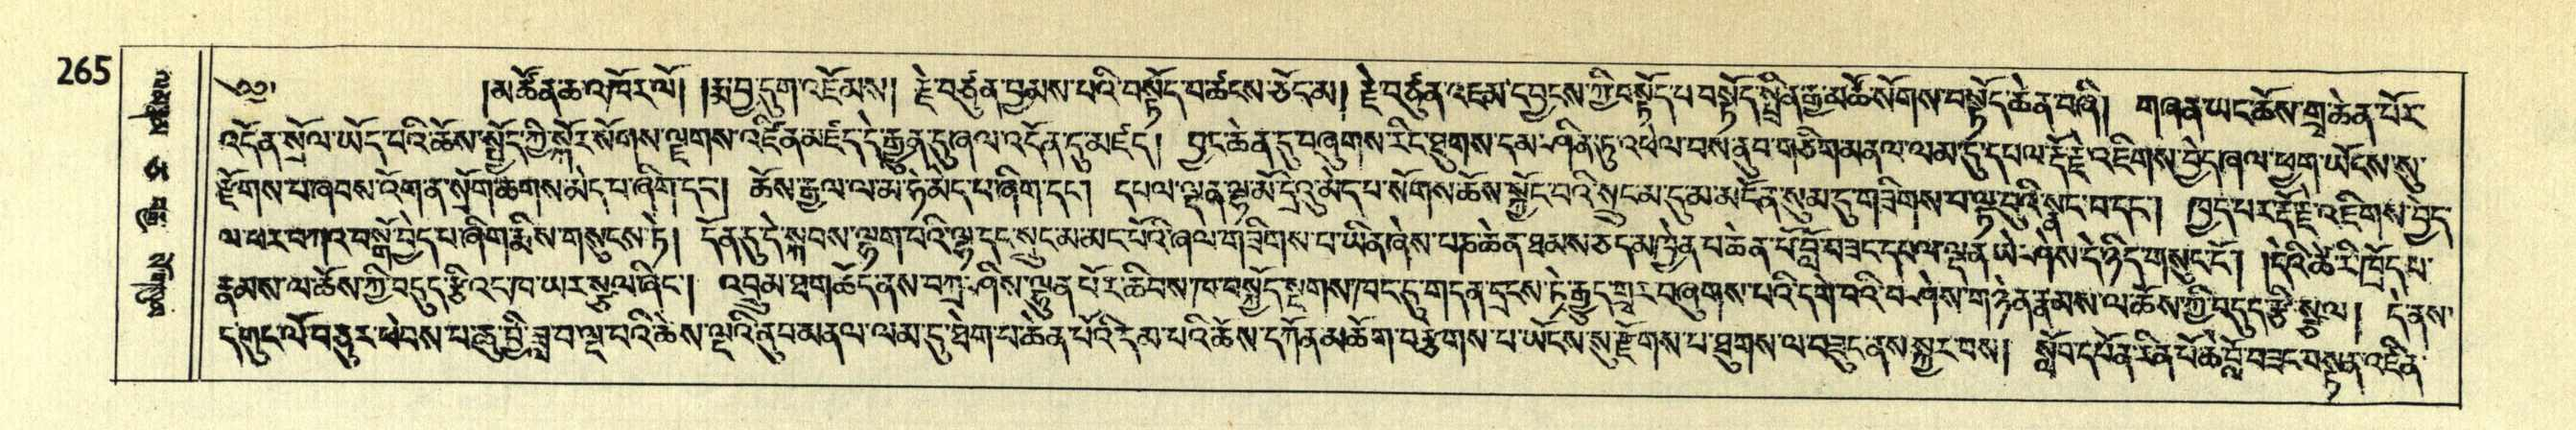༄༅། །མཚོན་ཆ་འཁོར་ལོ། །རྨ་བྱ་དུག་འཇོམས། རྗེ་བཙུན་བྱམས་པའི་བསྟོད་པ་ཚངས་ཅོད་མ། རྗེ་བཙུན་འཇམ་དབྱངས་ཀྱི་བསྟོད་པ་བསྟོད་སྤྲིན་རྒྱ་མཚོ་སོགས་བསྟོད་ཆེན་བཞི། གཞན་ཡང་ཆོས་གྲྭ་ཆེན་པོར་
འདོན་སྲོལ་ཡོད་པའི་ཆོས་སྤྱོད་ཀྱི་སྐོར་སོགས་ལྗགས་འཛིན་མཛད་དེ་རྒྱུན་དུ་ཞལ་འདོན་དུ་མཛད། བྱང་ཆེན་དུ་བཞུགས་རིང་ཐུགས་དམ་ཤིན་ཏུ་འཕེལ་བས་ནུབ་གཅིག་མནལ་ལམ་དུ་དཔལ་རྡོ་རྗེ་འཇིགས་བྱེད་ཞལ་ཕྱག་ཡོངས་སུ་
རྫོགས་པ་ཞབས་འོག་ན་སྲོག་ཆགས་མེད་པ་ཞིག་དང་། ཆོས་རྒྱལ་ལ་མ་ཧེ་མེད་པ་ཞིག་དང་། དཔལ་ལྡན་ལྷ་མོ་དྲེའུ་མེད་པ་སོགས་ཆོས་སྐྱོང་བའི་སྲུང་མ་དུ་མ་མངོན་སུམ་དུ་གཟིགས་པ་ལྟ་བུའི་སྣང་བ་དང་། ཁྱད་པར་རྡོ་རྗེ་འཇིགས་བྱེད་
ལ་ཕར་བཀའ་བསྒོ་བྱེད་པ་ཞིག་རྨིས་གསུངས་ཏེ། དོན་དུ་དེ་སྐབས་ལྷག་པའི་ལྷ་དང་སྲུང་མ་མང་པོའི་ཞལ་གཟིགས་པ་ཡིན་ཞེས་པཎ་ཆེན་ཐམས་ཅད་མཁྱེན་པ་ཆེན་པོ་བློ་བཟང་དཔལ་ལྡན་ཡེ་ཤེས་དེ་ཉིད་གསུང་ངོ། །དེའི་ཚེ་རི་ཁྲོད་པ་
རྣམས་ལ་ཆོས་ཀྱི་བདུད་རྩིའང་ཁ་ཡར་སྩལ་ཞིང་། འབྲུམ་ཐག་ཆོད་ནས་བཀྲ་ཤིས་ལྷུན་པོར་ཆིབས་ཁ་བསྐྱོད་སྔགས་ཁང་དུ་གདན་དྲངས་ཏེ་རྒྱུད་གྲྭར་བཞུགས་པའི་དགེ་བའི་བཤེས་གཉེན་རྣམས་ལ་ཆོས་ཀྱི་བདུད་རྩི་སྩལ། དེ་ནས་
དགུང་ལོ་བཅུར་ཕེབས་པ་ཆུ་བྱི་ཟླ་བ་ལྔ་བའི་ཚེས་ལྔའི་ནུབ་མནལ་ལམ་དུ་ཐེག་པ་ཆེན་པོའི་དམ་པའི་ཆོས་དཀོན་མཆོག་བརྩེགས་པ་ཡོངས་སུ་རྫོགས་པ་ཐུགས་ལ་བཟུང་ནས་སྐྱར་བས། སློབ་དཔོན་རིན་པོ་ཆེ་བློ་བཟང་བསྟན་འཛིན་